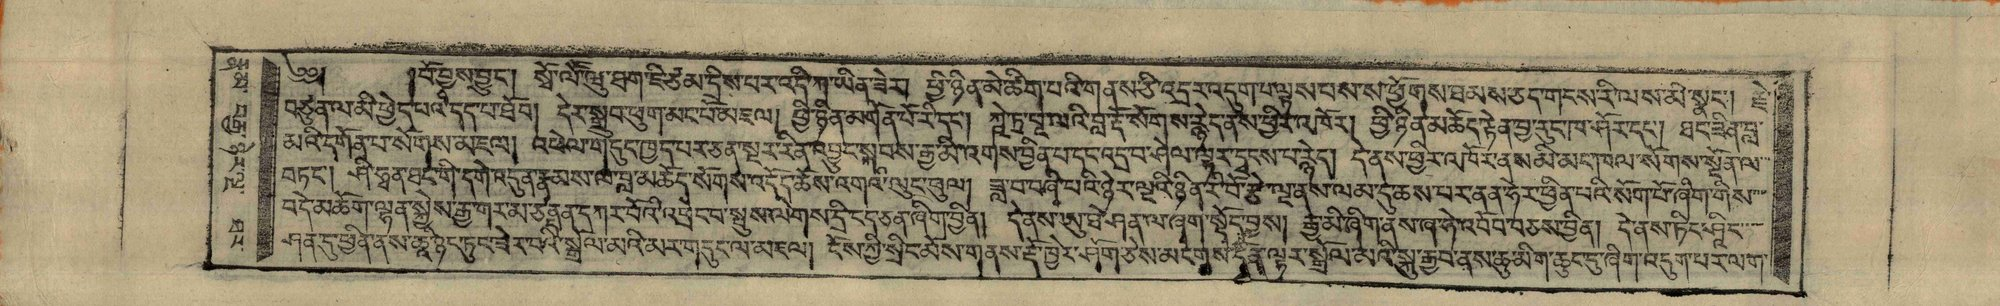༄༅། །པོ་བྱས་བྱུང་། སྭོ་ལཽ་ཝུ་ཐག་ཇི་ཙམ་དྲིས་པར་འདི་ཀ་ཡིན་ཟེར། ཕྱི་ཉིན་མེ་ཚིག་པའི་གནས་ཅི་འདྲར་འདུག་པ་ལྟས་པས་ས་ཕྱོགས་ཐམས་ཅད་གངས་རི་ལས་མི་སྣང་། རྗེ་
བཙུན་ལ་མི་ཕྱེད་པའི་དད་པ་ཐོབ། དེར་སྒྲུབ་ཕུག་མང་པོ་མཇལ། ཕྱི་ཉིན་མགོན་པོ་རི་དང་། ཀྵེ་ཏྲ་པཱ་ལའི་བླ་རྡོ་སོགས་རྙེད་ནས་ཕྱིར་འཁོར། ཕྱི་ཉིན་མཆོད་རྟེན་བྱ་རུང་ཁ་ཤོར་དང་། ཐང་ཟིན་བླ་
མའི་དགོན་པ་སོགས་མཇལ། འཕེལ་གདུང་ཁྱད་པར་ཅན་སྔར་རིན་འབྱུང་སྐབས་རྒྱ་མི་འགས་བྱིན་པ་དང་འདྲ་བ་ཤེལ་ལྟར་དྭངས་པ་རྙེད། དེ་ནས་ཕྱིར་འཁོར་ནས་མི་མང་ཁལ་སོགས་སྔོན་ལ་
བཏང༑ ཤི་ཧྭན་ཐང་གི་དགེ་འདུན་རྣམས་ལ་བླ་མཆོད་སོགས་འདོད་ཆོས་འགའི་ལུང་ཕུལ། ཟླ་བ་བཞི་པའི་ཉེར་ལྔའི་ཉིན་རི་བོ་རྩེ་ལྔ་ནས་ལམ་དུ་ཆས་བར་ནན་ཧེར་ཕྱིན་པའི་སོག་པོ་ཞིག་གིས་
བདེ་མཆོག་ལྷན་སྐྱེས་རྒྱ་གར་མ་ཙནྡན་དཀར་པོའི་འཕྲེང་བ་སྤུས་ལོགས་དྲི་ངད་ཅན་ཞིག་བྱིན། དེ་ནས་ཨུ་ཐེ་ཤན་ལ་ཞག་སྡོད་བྱས། རྒྱ་མི་ཞིག་ནས་ཞ་ཧེ་འབོབ་བཅས་བྱིན། དེ་ནས་ཏིང་ཤཱིང་
ཤན་དུ་ཕྱིན་ནས་ཆཱི་ཉང་ཏུང་ཟེར་བའི་སྒྲོལ་མའི་མར་གདུང་ལ་མཇལ། ངོས་ཀྱི་སྲིང་མོས་གནས་རྡོ་ཁྱེར་ཤོག་ཅེས་མངགས་དོན་ལྟར་སྒྲོལ་མའི་སྐུ་རྒྱབ་ནས་ཆུ་མིག་ཆུང་ངུ་ཞིག་འདུག་པར་ལག་